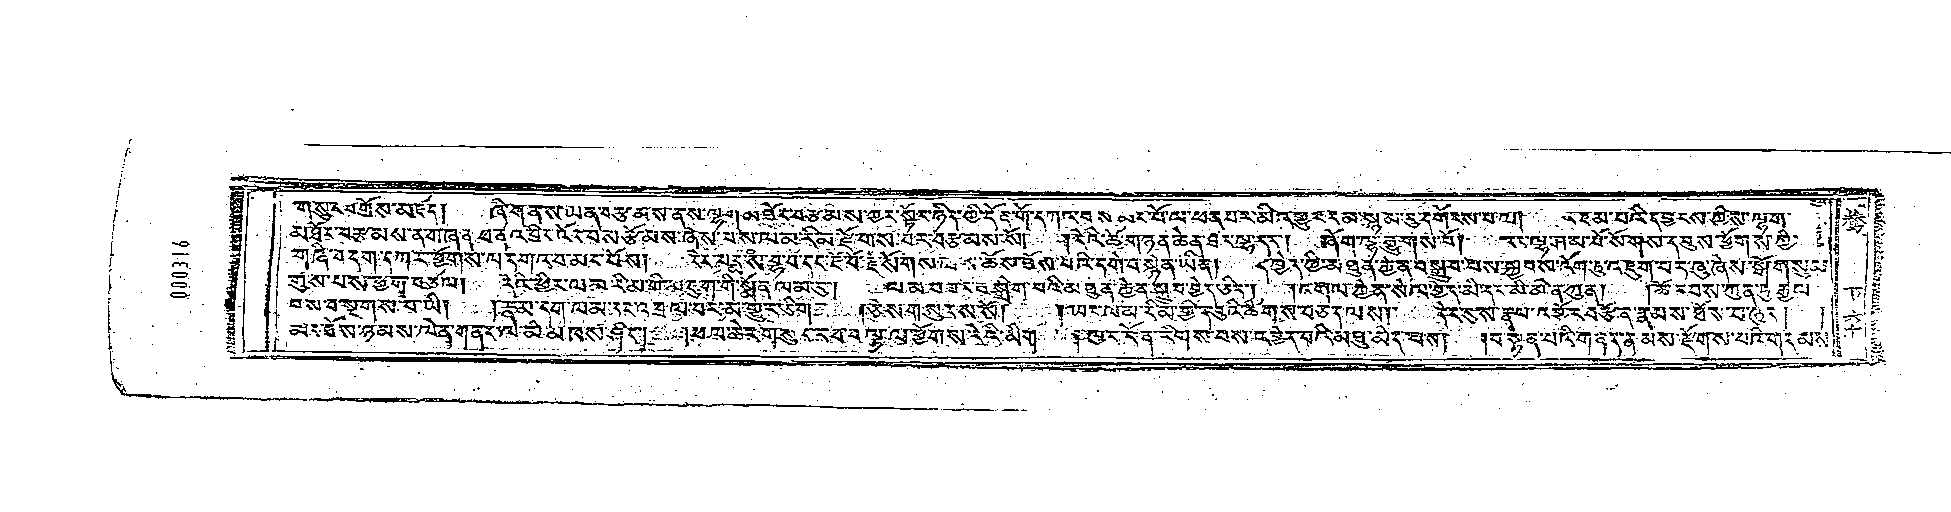གསུང་བགྲོས་མཛད། ཞི་གནས་ཡན་བརྩམས་ནས་ལྷག་མཐོང་བརྩམས་ཀྱང་སྟོང་ཉིད་ཀྱི་དོན་གོ་དཀའ་བས་མང་པོ་ལ་ཕན་པར་མི་འགྱུར་རམ་སྙམ་དུ་དགོངས་པ་ལ། འཇམ་པའི་དབྱངས་ཀྱིས་ལྷག་
མཐོང་བརྩམས་ན་གཞན་ཕན་འབྲིང་འོང་བས་རྩོམས་ཞེས་པས་ལམ་རིམ་རྫོགས་པར་བརྩམས་སོ། །དེའི་ཚེ་གཉན་ཆེན་ཐང་ལྷ་དང་། ཞོག་ལྷ་རྒྱུགས་པོ། ངང་ལྷ་ཤམ་པོ་སོགས་དབུས་ཕྱོགས་ཀྱི་
གཞི་བདག་དཀར་ཕྱོགས་ལ་དགའ་བ་མང་པོས། ངེད་པདམ་སཾ་བྷ་བ་དང་ཇོ་བོ་རྗེ་སོགས་ལས་ཆོས་ཐོས་པའི་དགེ་བསྙེན་ཡིན། ད་ཁྱེད་ཀྱི་མཐུན་རྐྱེན་བསྒྲུབ་པས་སྐྱབས་འོག་ཏུ་འཇུག་པར་ཞུ་ཞེས་སྒོ་གསུམ་
གུས་པས་ཕྱག་བཙལ། དེའི་ཕྱིར་ལམ་རིམ་གྱི་མཇུག་གི་སྨོན་ལམ་དུ། ལམ་བཟང་བསྒྲིག་པའི་མཐུན་རྐྱེན་སྒྲུབ་བྱེད་ཅིང་། །འགལ་རྐྱེན་སེལ་བྱེད་མི་དང་མི་མིན་ཀུན། །ཚེ་རབས་ཀུན་ཏུ་རྒྱལ་
བས་བསྔགས་པ་ཡི། །རྣམ་དག་ལམ་དང་འབྲལ་བར་མ་གྱུར་ཅིག །ཅེས་གསུངས་སོ། །ཡང་ལམ་རིམ་གྱི་དབུའི་ཚིགས་བཅད་ལས། དེང་དུས་རྣལ་འབྱོར་བརྩོན་རྣམས་ཐོས་པ་ཉུང་། །
མང་ཐོས་ཉམས་ལེན་གནང་ལ་མི་མཁས་ཤིང་། །ཕལ་ཆེར་གསུང་རབ་བལྟ་ལ་ཕྱོགས་རེའི་མིག །ལུང་དོན་རིགས་པས་འབྱེད་པའི་མཐུ་མེད་པས། །བསྟན་པའི་གནང་ནམས་རྫོགས་པའི་གདམས་